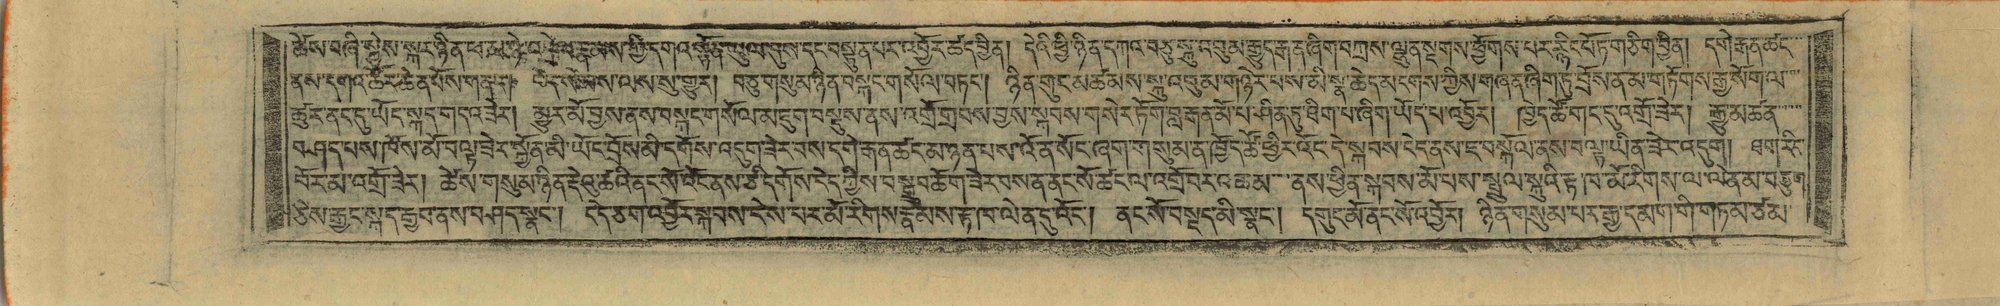ཚེས་བཞི་སྐྱེས་སྐར་ཉིན་ཕ་མ་ཉེ་འབྲེལ་རྣམས་ཀྱི་དགའ་སྟོན་ཡུལ་དུས་དང་བསྟུན་པར་འབྱོར་ཚད་བྱིན། དེའི་ཕྱི་ཉིན་དཀའ་བཅུ་སྐུ་འབུམ་རྒྱུད་རྒན་ཞིག་བཀྲས་ལྷུན་སྔགས་ཕྱོགས་པར་རྙིང་པོ་ཏ་གཅིག་བྱིན། དགེ་རྒན་ཚང་
ནས་དགའ་ཚོར་ཆེན་པོས་གནང་། ངེད་སེམས་ལས་སུ་གྱུར། བཅུ་གསུམ་ཉིན་བསྐང་གསོལ་བཏང་། ཉིན་གུང་མཚམས་སྐུ་འབུམ་གཉེར་པས་མི་སྣ་ཆེད་མངགས་ཀྱིས་གཞན་ཞིག་ཏུ་བྲོས་ན་མ་གཏོགས་རྒྱ་སོག་ལ་
ཚུར་ནང་དུ་ཡོང་སྐད་གདའ་ཟེར། མྱུར་མོ་བྱས་ནས་བསྐང་གསོལ་མཇུག་བསྡུས་ནས་འགྲོ་གྲབས་བྱས་སྐབས་གསེར་ཏོག་བླ་རྒན་མོ་པ་ཤིན་ཏུ་ཐིག་པ་ཞིག་ཡོད་པ་འབྱོར། ཁྱེད་ཚོ་གང་དུ་འགྲོ་ཟེར། རྒྱུ་མཚན་
བཤད་པས་ཁོས་མོ་བལྟ་ཟེར་སྐྱོན་མི་ཡོང་བྲོས་མི་དགོས་འདུག་ཟེར་བས་དགེ་རྒན་ཚང་མ་ཉན་པས་འོ་ན་སོང་ཞག་གསུམ་ན་ཁྱོད་ཚོ་ཕྱིར་འོང་དེ་སྐབས་ངེད་ནས་ཇ་བསྐོལ་ནས་བལྟ་ཡིན་ཟེར་འདུག །ཐག་རིང་
པོར་མ་འགྲོ་ཟེར། ཚེས་གསུམ་ཉིན་རྡེའུ་ཚའི་ནང་སོ་འོང་ནས་ཅི་དགོས་ངེད་ཀྱིས་བསྒྲུབ་ཆོག་ཟེར་བས་ན་ནང་སོ་ཚང་ལ་འགྲོ་བར་འཆམ་ནས་ཕྱིན་སྐབས་མོ་པས་སྤྲུལ་སྐུའི་རྟ་ཁ་མོ་རིགས་ལ་ལེན་མ་བཅུག་
ཅེས་རྒྱང་སྐད་རྒྱབ་ནས་བཤད་སྣང་། ངེད་ཅག་འབྱོར་སྐབས་ངེས་པར་མོ་རིགས་རྣམས་རྟ་ཁ་ལེན་དུ་འོང་། ནང་སོ་བསྡད་མི་སྣང་། དགུང་མོ་ནང་སོ་འབྱོར། ཉིན་གསུམ་པར་རྒྱ་དམག་གི་གཏམ་ཙམ་